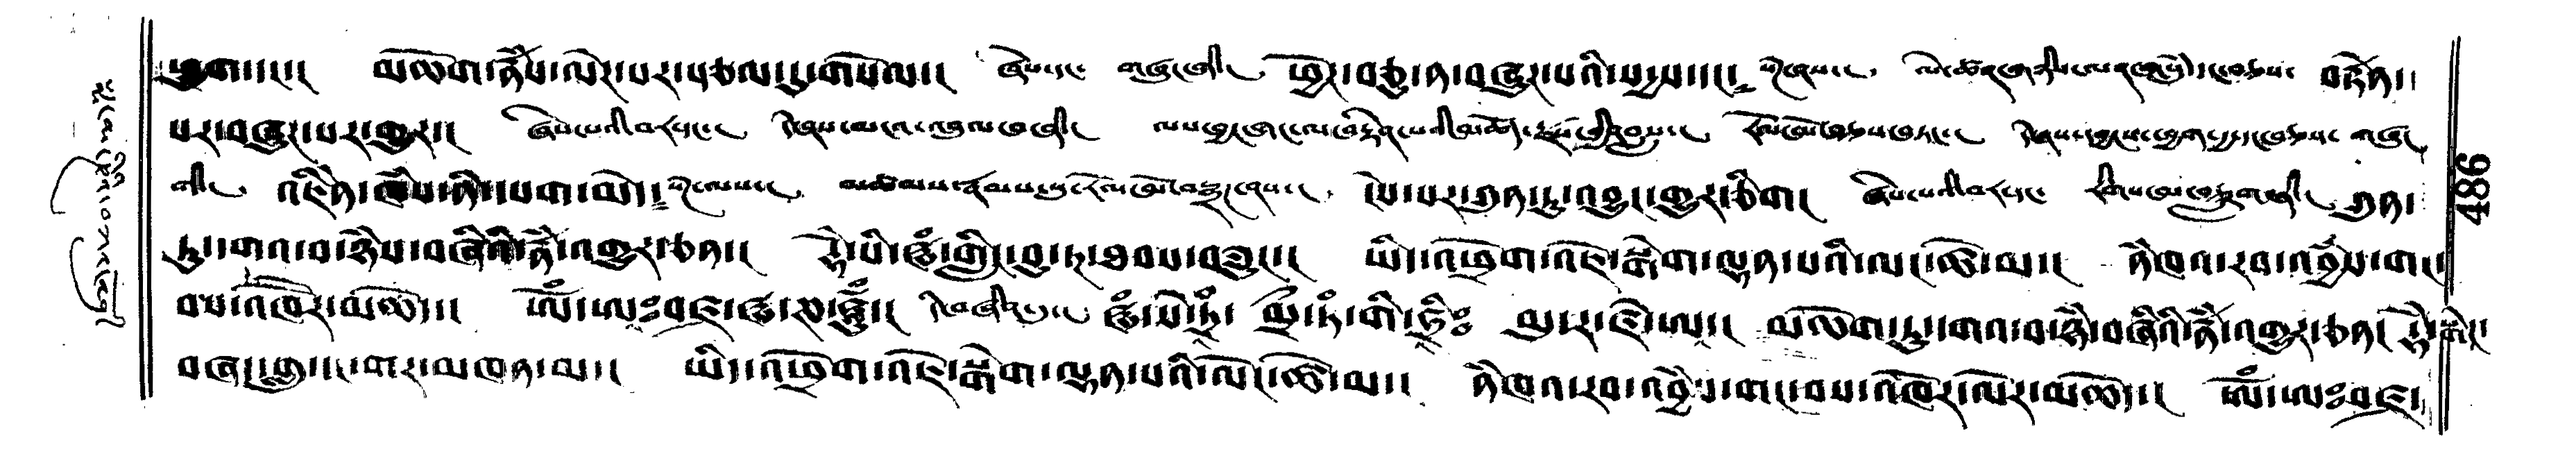ཕྱུག་དང་། །མཆོག་རྣམས་ལེགས་པར་བསྩལ་དུ་གསོལ། ཞེས་དང་། གཞུང་གི ཕྱོགས་བཅུ་ན་བཞུགས་པའི་སངས་རྒྱས་དང༴ སོགས་ནས་ལེ་ཚན་གཉིས་ལན་གསུམ་དང་བཅས། བརྟེན་
པར་བཞུགས་པར་གྱུར། ཞེས་པའི་བར་དང་། དེ་ནས་མངའ་འབུལ་བ་ནི། ལས་བྱང་གང་ལ་བརྟེན་པའི་མཆོད་རྫས་བྱིན་རླབས། རོལ་མོ་བཅས་བཏང་།དེ་ནས་དབྱངས་ཕྱག་རྒྱ་དང་བཅས། གཞུང་
གི། འཇིག་རྟེན་ཁམས་ནི་དཔག་མེད༴ སོགས་ནས། མཚམས་རྣམས་སུ་རོལ་མོ་བསྒྲགས། ངེས་པར་ཀུན་ཏུ་འབྱུང་གྱུར་ཅིག ཞེས་པའི་བར་དང་། རིག་མ་བཅུ་དྲུག་ནི། ཀུན་
ཏུ་དགའ་བ་ཉམས་བཞིའི་རྣམ་འགྱུར་ཅན། །རྡོ་རྗེ་པི་ཝཾ་གླིང་བུ་རྔ་ཐབས་བཟུང་། །ཡིད་འཕྲོག་འཇོ་སྒེག་ལྡན་པའི་ལང་ཚོ་མ། །ནམ་མཁའ་རབ་འབྱམས་གང་
བས་འཁོར་ལོར་མཆོད། ཨོཾ་ཨཱཿབཛྲ་ཝ་ཎ་ཧཱུྃ། དེ་བཞིན་དུ། ཝཾ་སེ་ཏྲཱཾ། མྲྀ་ཏཾ་གི་ཧྲཱིཿ མུ་ར་ཛེ་ཨཱཿ མཆོག་ཏུ་དགའ་བ་ཉམས་བཞིའི་རྣམ་འགྱུར་ཅན། །རྡོ་རྗེ་སྒེག་
བཞད་གླུ་དང་གར་མཁན་མ། །ཡིད་འཕྲོག་འཇོ་སྒེག་ལྡན་པའི་ལང་ཚོ་མ། །ནམ་མཁའ་རབ་འབྱམས་གང་བས་འཁོར་ལོར་མཆོད། ཨོཾ་ཨཱཿབཛྲ་